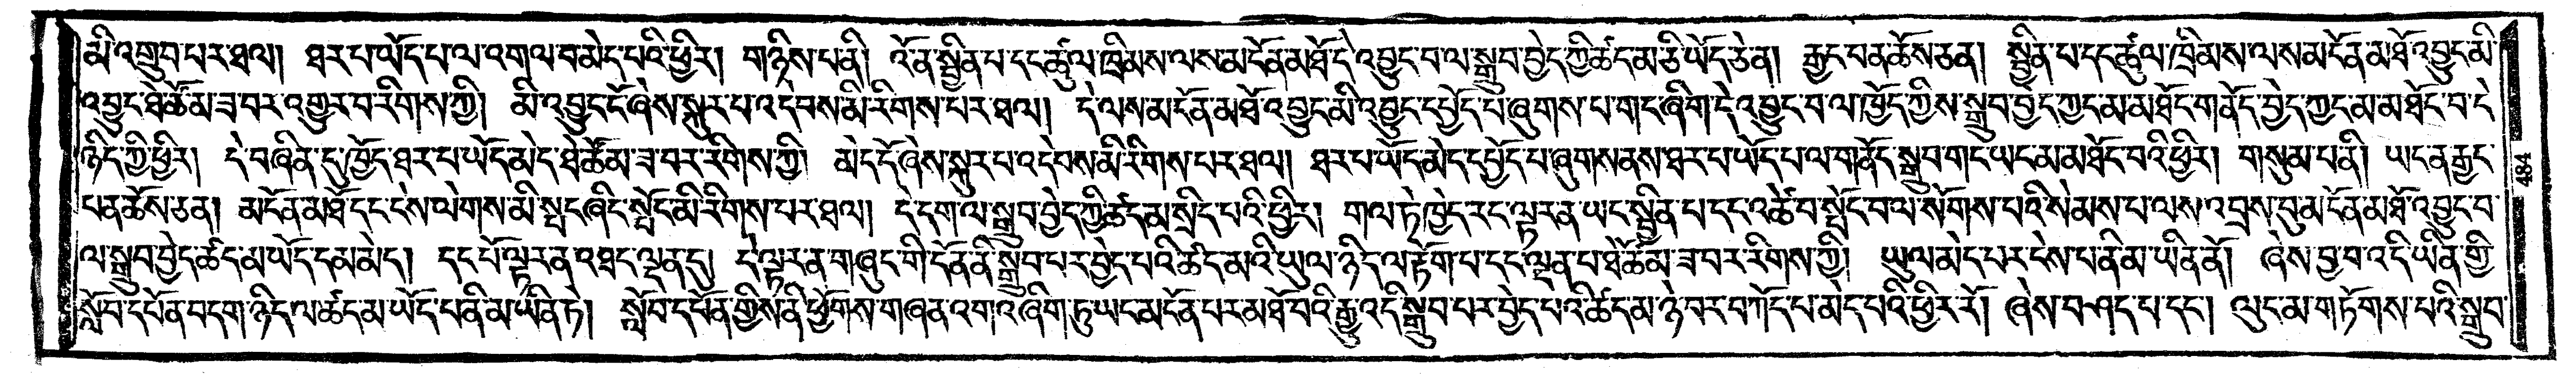མི་འགྲུབ་པར་ཐལ། ཐར་པ་ཡོད་པ་ལ་འགལ་བ་མེད་པའི་ཕྱིར། གཉིས་པ་ནི། འོ་ན་སྦྱིན་པ་དང་ཚུལ་ཁྲིམས་ལས་མངོན་མཐོ་དེ་འབྱུང་བ་ལ་སྒྲུབ་བྱེད་ཀྱི་ཚད་མ་ཅི་ཡོད་ཅེ་ན། རྒྱང་པན་ཆོས་ཅན། སྦྱིན་པ་དང་ཚུལ་ཁྲིམས་ལས་མངོན་མཐོ་འབྱུང་མི་
འབྱུང་ཐེ་ཚོམ་ཟ་བར་འགྱུར་བ་རིགས་ཀྱི། མི་འབྱུང་ངོ་ཞེས་སྐུར་པ་འདེབས་མི་རིགས་པར་ཐལ། དེ་ལས་མངོན་མཐོ་འབྱུང་མི་འབྱུང་དཔྱོད་པ་ཞུགས་པ་གང་ཞིག་དེ་འབྱུང་བ་ལ་ཁྱོད་ཀྱིས་སྒྲུབ་བྱེད་ཀྱང་མ་མཐོང་གནོད་བྱེད་ཀྱང་མ་མཐོང་བ་དེ་
ཉིད་ཀྱི་ཕྱིར། དེ་བཞིན་དུ་ཁྱོད་ཐར་པ་ཡོད་མེད་ཐེ་ཚོམ་ཟ་བར་རིགས་ཀྱི། མེད་དོ་ཞེས་སྐུར་པ་འདེབས་མི་རིགས་པར་ཐལ། ཐར་པ་ཡོད་མེད་དཔྱོད་པ་ཞུགས་ནས་ཐར་པ་ཡོད་པ་ལ་གནོད་སྒྲུབ་གང་ཡང་མ་མཐོང་བའི་ཕྱིར། གསུམ་པ་ནི། ཡང་ན་རྒྱང་
པན་ཆོས་ཅན། མངོན་མཐོ་དང་ངེས་ལེགས་མི་སྤང་ཞིང་སྤོང་མི་རིགས་པར་ཐལ། དེ་དག་ལ་སྒྲུབ་བྱེད་ཀྱི་ཚད་མ་སྲིད་པའི་ཕྱིར། གལ་ཏེ་ཁྱེད་རང་ལྟར་ན་ཡང་སྦྱིན་པ་དང་འཚེ་བ་སྤོང་བ་ལ་སོགས་པའི་སེམས་པ་ལས་འབྲས་བུ་མངོན་མཐོ་འབྱུང་བ་
ལ་སྒྲུབ་བྱེད་ཚད་མ་ཡོད་དམ་མེད། དང་པོ་ལྟར་ན་འཐད་ལྡན་དུ། དེ་ལྟར་ན་གཞུང་གི་དོན་ནི་སྒྲུབ་པར་བྱེད་པའི་ཚད་མའི་ཡུལ་ཉིད་ལ་རྟོག་པ་དང་ལྡན་པ་ཐེ་ཚོམ་ཟ་བར་རིགས་ཀྱི། ཡུལ་མེད་པར་ངེས་པ་ནི་མ་ཡིན་ནོ། ཞེས་བྱ་བ་འདི་ཡིན་གྱི་
སློབ་དཔོན་བདག་ཉིད་ལ་ཚད་མ་ཡོད་པ་ནི་མ་ཡིན་ཏེ། སློབ་དཔོན་གྱིས་ནི་ཕྱོགས་གཞན་འགའ་ཞིག་ཏུ་ཡང་མངོན་པར་མཐོ་བའི་རྒྱུ་འདི་སྒྲུབ་པར་བྱེད་པའི་ཚད་མ་ཉེ་བར་བཀོད་པ་མེད་པའི་ཕྱིར་རོ། ཞེས་བཤད་པ་དང་། ལུང་མ་གཏོགས་པའི་སྒྲུབ་